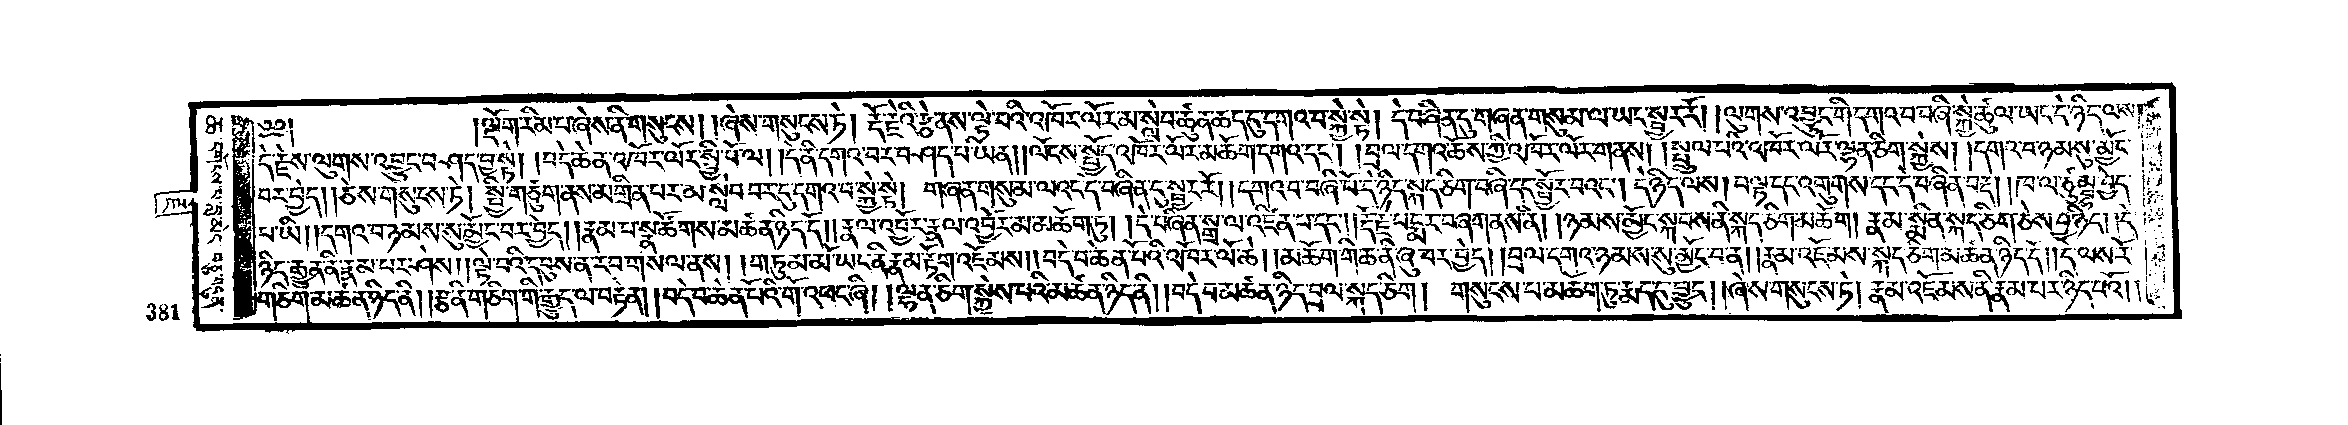༄༅། །ལྡོག་རིམ་པ་ཞེས་ནི་གསུངས། །ཞེས་གསུངས་ཏེ། རྡོ་རྗེའི་རྩེ་ནས་ལྟེ་བའི་འཁོར་ལོར་མ་སླེབ་ཚུན་ཆད་དུ་དགའ་བ་སྐྱེ་སྟེ། དེ་བཞིན་དུ་གཞན་གསུམ་ལ་ཡང་སྦྱར་རོ། །ལུགས་འབྱུང་གི་དགའ་བ་བཞི་སྐྱེ་ཚུལ་ཡང་དེ་ཉིད་ལས་
དེ་རྗེས་ལུགས་འབྱུང་བཤད་བྱ་སྟེ། །བདེ་ཆེན་འཁོར་ལོར་སྤྱི་བོ་ལ། །དེ་ནི་དགའ་བར་བཤད་པ་ཡིན། །ལོངས་སྤྱོད་འཁོར་ལོར་མཆོག་དགའ་དང་། །བྲལ་དགའ་ཆོས་ཀྱི་འཁོར་ལོར་གནས། །སྤྲུལ་པའི་འཁོར་ལོར་ལྷན་ཅིག་སྐྱེས། །དགའ་བ་ཉམས་སུ་མྱོང་
བར་བྱེད། །ཅེས་གསུངས་ཏེ། སྤྱི་གཙུག་ནས་མགྲིན་པར་མ་སླེབ་བར་དུ་དགའ་བ་སྐྱེ་སྟེ། གཞན་གསུམ་ལའང་དེ་བཞིན་དུ་སྦྱར་རོ། །དགའ་བ་བཞི་པོ་དེ་ཉིད་སྐད་ཅིག་བཞི་དང་སྦྱོར་བའང་། དེ་ཉིད་ལས། བལྟ་དང་འགུགས་དང་དེ་བཞིན་བརྡ། །ཁ་ལ་ཙུམྦྷ་བྱེད་
པ་ཡི། །དགའ་བ་ཉམས་སུ་མྱོང་བར་བྱེད། །རྣམ་པ་སྣ་ཚོགས་མཚན་ཉིད་དོ། །རྣལ་འབྱོར་རྣལ་འབྱོར་མ་མཆོག་ཏུ། །དེ་བཞིན་སྒྲ་ལ་འཛིན་པ་དང་། །རྡོ་རྗེ་པདམར་བཞག་ནས་ནི། །ཉམས་མྱོང་སྐབས་ནི་སྐད་ཅིག་མཆོག །རྣམ་སྨིན་སྐད་ཅིག་ཅེས་བྱ་ཉིད། །དེ་
ཉིད་རྒྱུན་ནི་རྣམ་པར་ཤེས། །ལྟེ་བའི་དབུས་ན་རབ་གསལ་ནས། །གཏུམ་མོ་ཡང་ནི་རྣམ་རྟོག་འཇོམས། །བདེ་བ་ཆེན་པོའི་འཁོར་ལོ་ཆེ། །མཆོག་གི་ཆ་ནི་ཞུ་བར་བྱེད། །བྲལ་དགའ་ཉམས་སུ་མྱོང་བ་ན། །རྣམ་འཇོམས་སྐད་ཅིག་མཚན་ཉིད་དོ། །དེ་ལས་རོ་
གཅིག་མཚན་ཉིད་ནི། །རྩ་ནི་གཅིག་གི་རྒྱུད་ལ་བརྟེན། །བདེ་བ་ཆེན་པོའི་གོ་འཕང་ཞི། །ལྷན་ཅིག་སྐྱེས་པའི་མཚན་ཉིད་ནི། །བདེ་བ་མཚན་ཉིད་བྲལ་སྐད་ཅིག །གསུངས་པ་མཆོག་ཏུ་རྨད་དུ་བྱུང་། །ཞེས་གསུངས་ཏེ། རྣམ་འཇོམས་ནི་རྣམ་པར་ཉིད་པའོ། །